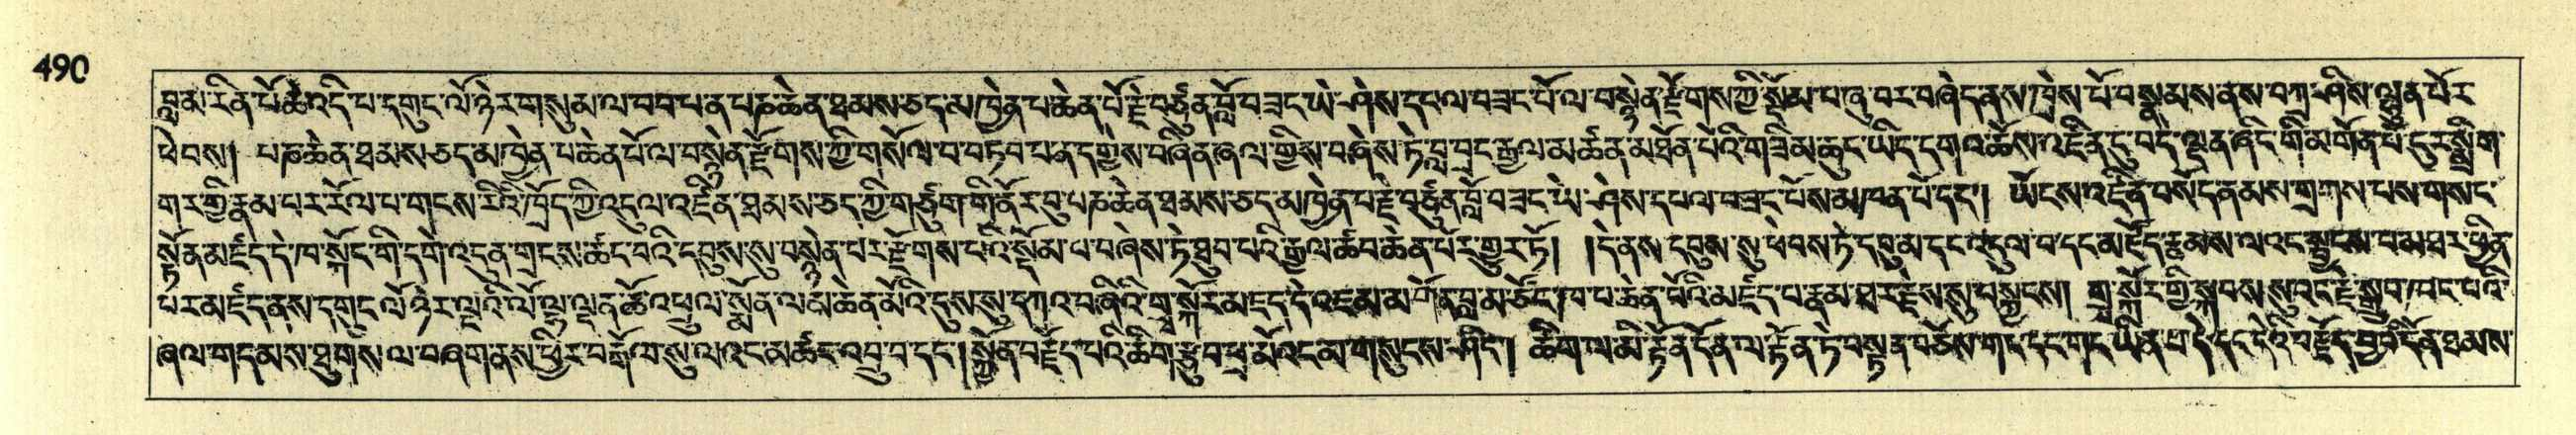བླ་མ་རིན་པོ་ཆེ་འདི་པ་དགུང་ལོ་ཉེར་གསུམ་ལ་བབ་པ་ན་པཎ་ཆེན་ཐམས་ཅད་མཁྱེན་པ་ཆེན་པོ་རྗེ་བཙུན་བློ་བཟང་ཡེ་ཤེས་དཔལ་བཟང་པོ་ལ་བསྙེན་རྫོགས་ཀྱི་སྡོམ་པ་ཞུ་བར་བཞེད་ནས་ཁྲེས་པོ་བསྣམས་ནས་བཀྲ་ཤིས་ལྷུན་པོར་
ཕེབས། པཎ་ཆེན་ཐམས་ཅད་མཁྱེན་པ་ཆེན་པོ་ལ་བསྙེན་རྫོགས་ཀྱི་གསོལ་བ་བཏབ་པ་ན་དགྱེས་བཞིན་ཞལ་གྱིས་བཞེས་ཏེ་བླ་བྲང་རྒྱལ་མཚན་མཐོན་པོའི་གཟིམ་ཆུང་ཡིད་དགའ་ཆོས་འཛིན་དུ་བདེ་ལྡན་ཞིང་གི་མགོན་པ་དུར་སྨྲིག་
གར་གྱི་རྣམ་པར་རོལ་པ་གངས་རིའི་ཁྲོད་ཀྱི་འདུལ་འཛིན་ཐམས་ཅད་ཀྱི་གཙུག་གི་ནོར་བུ་པཎ་ཆེན་ཐམས་ཅད་མཁྱེན་པ་རྗེ་བཙུན་བློ་བཟང་ཡེ་ཤེས་དཔལ་བཟང་པོས་མཁན་པོ་དང་། ཡོངས་འཛིན་བསོད་ནམས་གྲགས་པས་གསང་
སྟོན་མཛད་དེ་ཁ་སྐོང་གི་དགེ་འདུན་གྲངས་ཚང་བའི་དབུས་སུ་བསྙེན་པར་རྫོགས་པའི་སྡོམ་པ་བཞེས་ཏེ་ཐུབ་པའི་རྒྱལ་ཚབ་ཆེན་པོར་གྱུར་ཏོ། །དེ་ནས་དབུས་སུ་ཕེབས་ཏེ་དབུ་མ་དང་འདུལ་བ་དང་མཛོད་རྣམས་ལའང་སྦྱངས་བ་མཐར་ཕྱིན་
པར་མཛད་ནས་དགུང་ལོ་ཉེར་ལྔའི་ལོ་ལྷ་ལྡན་ཆོ་འཕྲུལ་སྨོན་ལམ་ཆེན་མོའི་དུས་སུ་དཀའ་བཞིའི་གྲྭ་སྐོར་མཛད་དེ་འཇམ་མགོན་བླ་མ་ཙོང་ཁང་པ་ཆེན་པོའི་མཛད་པ་རྣམ་ཐར་རྗེས་སུ་བསྐྱངས། གྲྭ་སྐོར་གྱི་སྐབས་སུའང་རྗེ་སྒྲུབ་ཁང་པའི་
ཞལ་གདམས་ཐུགས་ལ་བཞག་ནས་ཕྱིར་བརྒོལ་སུ་ལའང་མཚང་འབྲུ་བ་དང་། སྐྱོན་བརྗོད་པའི་ཚིག་རྩུབ་ཕྲ་མོའང་མ་གསུངས་ཤིང་། ཚིག་ལ་མི་རྟོན་དོན་ལ་རྟོན་ཏེ་བསྟན་བཅོས་གང་དང་གང་ཡིན་པ་དེ་དང་དེའི་བརྗོད་བྱ་བའི་དོན་ཐམས་